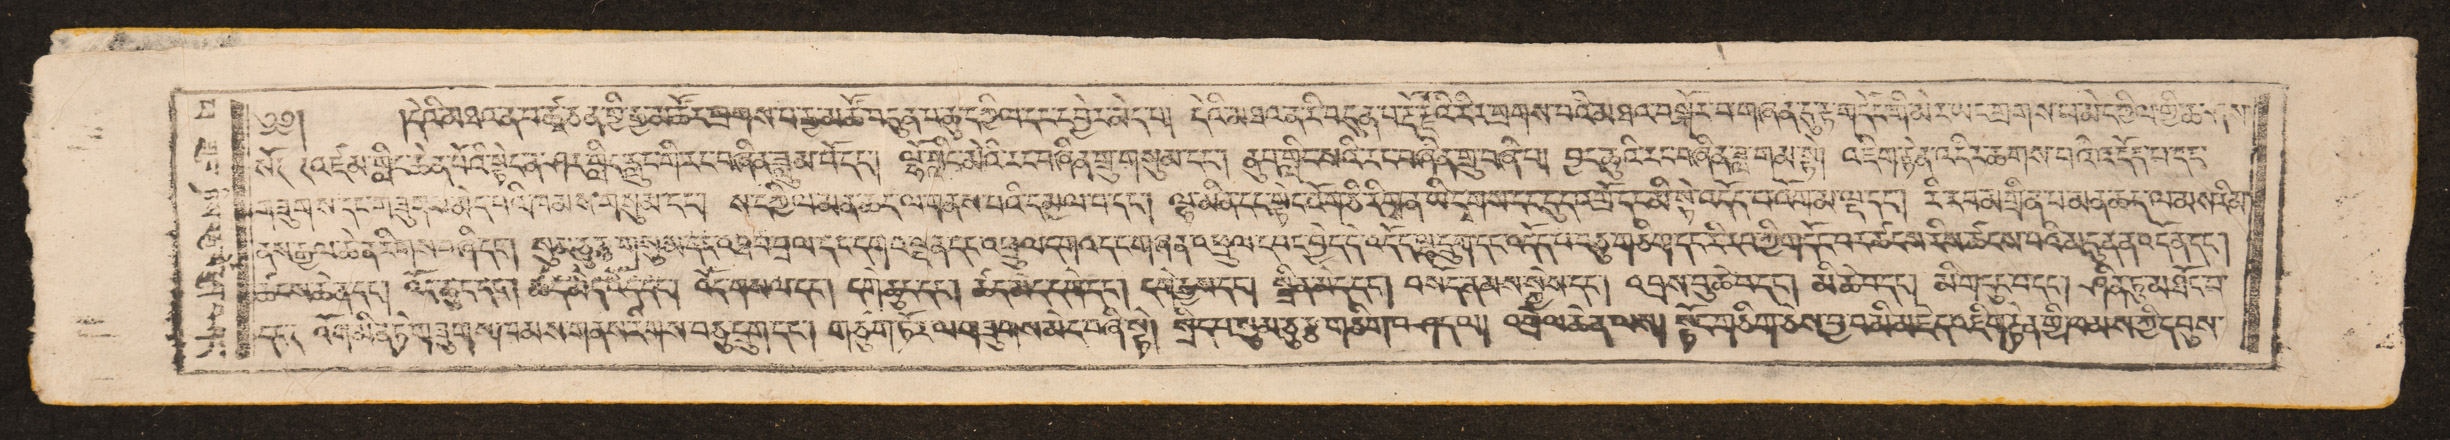༄༅། །དེའི་མཐའ་ན་བ་ཚྭ་ཅན་གྱི་རྒྱ་མཚོར་གྲགས་པ་རྒྱ་མཚོ་བདུན་པ་ཆུ་དཀྱིལ་དང་དབྱེར་མེད་པ། དེའི་མཐའ་ན་རི་བདུན་པ་རྡོ་རྗེའི་རིར་གྲགས་པའི་མཐའ་བསྐོར་བ་གཞན་དུ་རྟ་གདོང་གི་མེར་ཡང་གྲགས་པ་མེ་དཀྱིལ་གྱི་ཆ་ཤས་
སོ༑ ༑འཇམ་གླིང་ཆེན་པོའི་སྟེང་ན་ཤར་གླིང་རླུང་གི་རང་བཞིན་ཟླུམ་པོ་དང་། ལྷོ་གླིང་མེའི་རང་བཞིན་གྲུ་གསུམ་དང་། ནུབ་གླིང་སའི་རང་བཞིན་གྲུ་བཞི་བ། བྱང་ཆུའི་རང་བཞིན་ཟླ་གམ་སྟེ། འཇིག་རྟེན་འདིར་ཆགས་པའི་འདོད་པ་དང་
གཟུགས་དང་གཟུགས་མེད་པའི་ཁམས་གསུམ་དང་། ས་དཀྱིལ་མན་ཆད་ལ་གནས་པའི་དམྱལ་བ་དང་། ལྷ་མིན་དང་སྟེང་འོག་ཅི་རིག་ན་ཡི་དྭགས་དང་དུད་འགྲོ་དང་མི་སྟེ་འདོད་བ་འོག་མ་ལྔ་དང་། རི་རབ་མགྲིན་པ་མན་ཆད་ལམས་རིམ་
ནས་རྒྱལ་ཆེན་རིགས་བཞི་དང་། སུམ་ཅུ་རྩ་གསུམ་དང་འཐབ་བྲལ་དང་དགའ་ལྡན་དང་འཕྲུལ་དགའ་དང་གཞན་འཕྲུལ་དབང་བྱེད་དེ་འདོད་ལྟ་དྲུག་དང་འདོད་པ་བཅུ་གཅིག་དང་རི་རབ་ཀྱི་གདོང་བར་ཚངས་རིས་ཚངས་པའི་མདུན་ན་བདོན་དང་།
ཚངས་ཆེན་དང་། འོད་ཆུང་དང་། ཚད་མེད་འོད་དང་། འོད་གསལ་དང་། དགེ་ཆུང་དང་། ཚད་མེད་དགེ་དང་། དགེ་རྒྱས་དང་། སྤྲིན་མེད་དང་། བསོད་ནམས་སྐྱེས་དང་། འབྲས་བུ་ཆེ་བ་དང་། མི་ཆེ་བ་དང་། མི་གདུང་བ་དང་། ཤིན་ཏུ་མཐོང་བ་
དང༑ འོག་མིན་ཏེ་གཟུགས་ཁམས་གནས་རིགས་བཅུ་དྲུག་དང་། གཙུག་ཏོར་ལ་གཟུགས་མེད་བཞི་སྟེ། སྲིད་པ་སུམ་ཅུ་རྩ་གཅིག་བཤད་ལ། འགྲེལ་ཆེན་ལས། སྟོང་གཅིག་ཅེས་བྱ་བ་མི་མཇེད་འཇིག་རྟེན་གྱི་ཁམས་ཀྱི་དབུས་